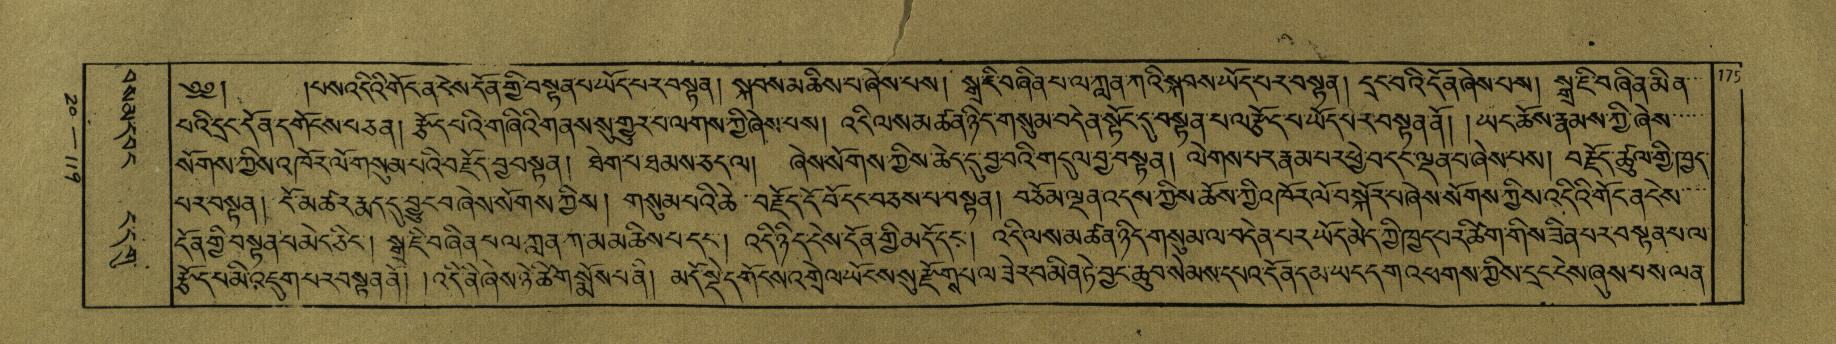༄༅། །པས་འདིའི་གོང་ན་ངེས་དོན་གྱི་བསྟན་པ་ཡོད་པར་བསྟན། སྐབས་མཆིས་པ་ཞེས་པས། སྒྲ་ཇི་བཞིན་པ་ལ་ཀླན་ཀའི་སྐབས་ཡོད་པར་བསྟན། དྲང་བའི་དོན་ཞེས་པས། སྒྲ་ཇི་བཞིན་མིན་
པའི་དྲང་དོན་དགོངས་པ་ཅན། རྩོད་པའི་གཞིའི་གནས་སུ་གྱུར་པ་ལགས་ཀྱི་ཞེས་པས། འདི་ལས་མཚན་ཉིད་གསུམ་བདེན་སྟོང་དུ་བསྟན་པ་ལ་རྩོད་པ་ཡོད་པར་བསྟན་ནོ། །ཡང་ཆོས་རྣམས་ཀྱི་ཞེས་
སོགས་ཀྱིས་འཁོར་ལོ་གསུམ་པའི་བརྗོད་བྱ་བསྟན། ཐེག་པ་ཐམས་ཅད་ལ། ཞེས་སོགས་ཀྱིས་ཆེད་དུ་བྱ་བའི་གདུལ་བྱ་བསྟན། ལེགས་པར་རྣམ་པར་ཕྱེ་བ་དང་ལྡན་པ་ཞེས་པས། བརྗོད་ཚུལ་གྱི་ཁྱད་
པར་བསྟན། ངོ་མཚར་རྨད་དུ་བྱུང་བ་ཞེས་སོགས་ཀྱིས། གསུམ་པའི་ཆེ་བརྗོད་ངོ་བོ་དང་བཅས་པ་བསྟན། བཅོམ་ལྡན་འདས་ཀྱིས་ཆོས་ཀྱི་འཁོར་ལོ་བསྐོར་པ་ཞེས་སོགས་ཀྱིས་འདིའི་གོང་ན་ངེས་
དོན་གྱི་བསྟན་པ་མེད་ཅིང་། སྒྲ་ཇི་བཞིན་པ་ལ་ཀླན་ཀ་མ་མཆིས་པ་དང་། འདི་ཉིད་ངེས་དོན་གྱི་མདོ་དང་། འདི་ལས་མཚན་ཉིད་གསུམ་ལ་བདེན་པར་ཡོད་མེད་ཀྱི་ཁྱད་པར་ཚིག་གིས་ཟིན་པར་བསྟན་པ་ལ་
རྩོད་པ་མི་འཇུག་པར་བསྟན་ནོ། །འདི་ནི་ཞེས་ཉེ་ཚིག་སྨོས་པ་ནི། མདོ་སྡེ་དགོངས་འགྲེལ་ཡོངས་སུ་རྫོགས་པ་ལ་ཟེར་བ་མིན་ཏེ་བྱང་ཆུབ་སེམས་དཔའ་དོན་དམ་ཡང་དག་འཕགས་ཀྱིས་དྲང་ངེས་ཞུས་པས་ལན་